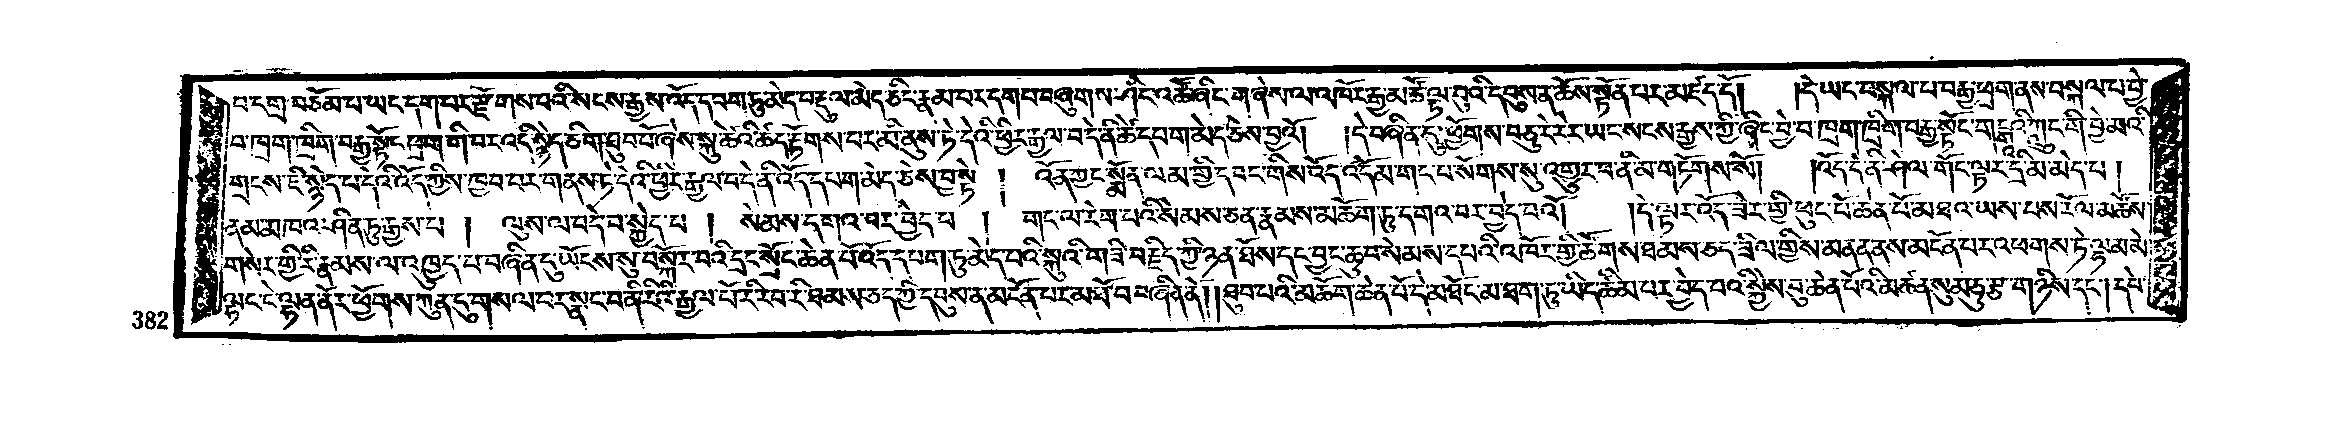པ་དགྲ་བཅོམ་པ་ཡང་དག་པར་རྫོགས་པའི་སངས་རྒྱས་འོད་དཔག་ཏུ་མེད་པ་རྡུལ་མེད་ཅིང་རྣམ་པར་དག་པ་བཞུགས་ཤིང་འཚོ་ཞིང་གཞེས་ལ་འཁོར་རྒྱ་མཚོ་ལྟ་བུའི་དབུས་ན་ཆོས་སྟོན་པར་མཛད་དོ། །དེ་ཡང་བསྐལ་པ་བརྒྱ་ཕྲག་ནས་བསྐལ་པ་བྱེ་
བ་ཁྲག་ཁྲིག་བརྒྱ་སྟོང་ཕྲག་གི་བར་འདི་སྙེད་ཅིག་ཐུབ་པོ་ཞེས་སྐུ་ཚེའི་ཚད་རྟོགས་པར་མི་ནུས་ཏེ་དེའི་ཕྱིར་རྒྱལ་བ་དེ་ནི་ཚེ་དཔག་མེད་ཅེས་བྱའོ། །དེ་བཞིན་དུ་ཕྱོགས་བཅུ་རེ་རེར་ཡང་སངས་རྒྱས་ཀྱི་ཞིང་བྱེ་བ་ཁྲག་ཁྲིག་བརྒྱ་སྟོང་གངྒཱའི་ཀླུང་གི་བྱེ་མའི་
གྲངས་ཇི་སྙེད་པ་དེའི་འོད་ཀྱིས་ཁྱབ་པར་གནས་ཏེ་དེའི་ཕྱིར་རྒྱལ་བ་དེ་ནི་འོད་དཔག་མེད་ཅེས་བྱ་སྟེ། འོན་ཀྱང་སྨོན་ལམ་གྱི་དབང་གིས་འོད་འདོམ་གང་པ་སོགས་སུ་འགྱུར་བ་ནི་མ་གཏོགས་སོ། །འོད་དེ་ནི་ཤེལ་གོང་ལྟར་དྲི་མ་མེད་པ།
ནམ་མཁའ་ཤིན་ཏུ་རྒྱས་པ། ལུས་ལ་བདེ་བ་སྐྱེད་པ། སེམས་དགའ་བར་བྱེད་པ། གང་ལ་རེག་པའི་སེམས་ཅནར་ནམས་མཆོག་ཏུ་དགའ་བར་བྱེད་པའོ། །དེ་ལྟར་འོད་ཟེར་གྱི་ཕུང་པོ་ཆེན་པོ་མཐའ་ཡས་པས་རོལ་མཚོས་
གསེར་གྱི་རི་རྣམས་ལ་འཁྱུད་པ་བཞིན་དུ་ཡོངས་སུ་བསྐོར་བའི་དྲང་སྲོང་ཆེན་པོ་འོད་དཔག་ཏུ་མེད་པའི་སྐུའི་གཟི་བརྗིད་ཀྱི་ཉན་ཐོས་དང་བྱང་ཆུབ་སེམས་དཔའི་འཁོར་གྱི་ཚོགས་ཐམས་ཅད་ཟིལ་གྱིས་མནན་ནས་མངོན་པར་འཕགས་ཏེ་ལྷམ་མེ་
ལྷང་ངེ་ལྷན་ནོར་ཕྱོགས་ཀུན་དུ་གསལ་བར་སྣང་བ་ནི་རིའི་རྒྱལ་པོ་རི་རབ་རི་ཐམས་ཅད་ཀྱི་དབུས་ན་མངོན་པར་མཐོ་བ་བཞིན་ནོ། །ཐུབ་པའི་མཆོག་ཆེན་པོ་དེ་མཐོང་མ་ཐག་ཏུ་ཡིད་ཚིམ་པར་བྱེད་པའི་སྐྱིས་བུ་ཆེན་པོའི་མཚན་སུམ་ཅུ་རྩ་གཉིས་དང་། དཔེ་